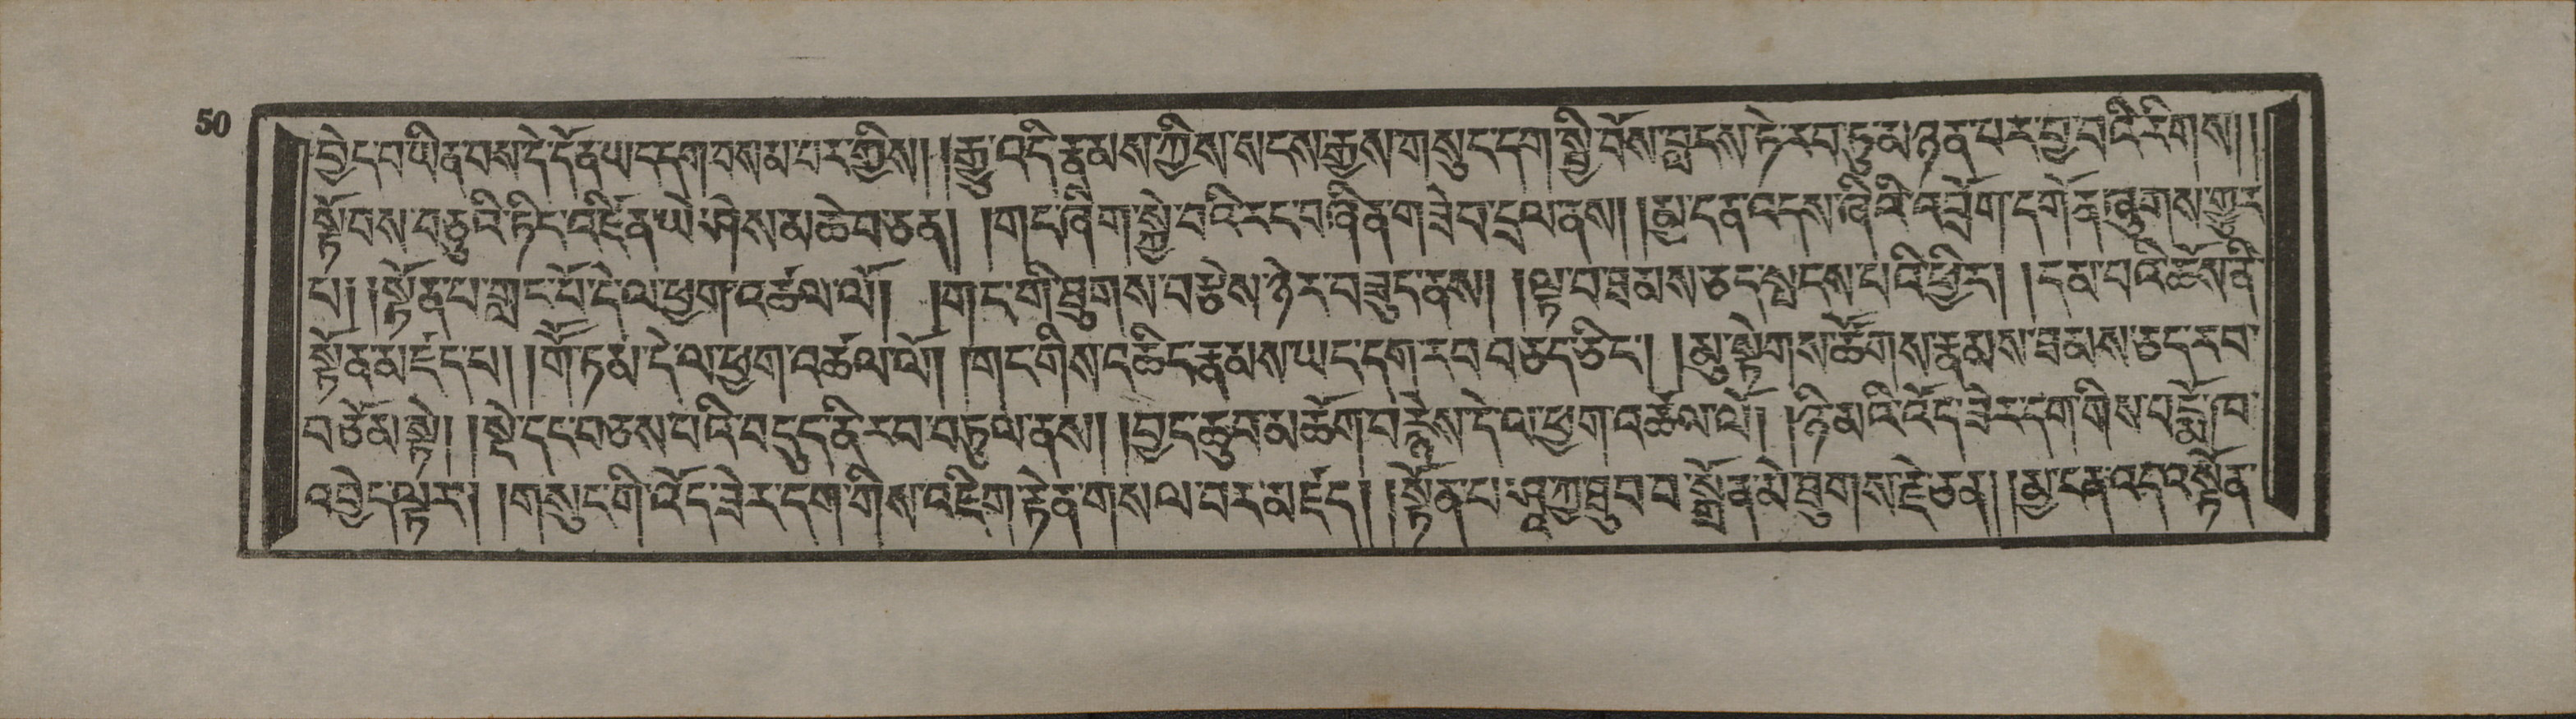བྱེད་པ་ཡིན་པས་དེ་དོན་ཡང་དག་བསམ་པར་གྱིས། །རྒྱུ་འདི་རྣམས་ཀྱིས་སངས་རྒྱས་གསུང་དག་སྤྱི་བོས་བླངས་ཏེ་རབ་ཏུ་མཉན་པར་བྱ་བའི་རིགས། །
སྟོབས་བཅུའི་ཏིང་འཛིན་ཡེ་ཤེས་མཆེ་བ་ཅན། །གང་ཞིག་སྐྱེ་བའི་རང་བཞིན་གཟེབ་དྲལ་ནས། །མྱ་ངན་འདས་ཞིའི་འབྲོག་དགོན་ཞུགས་གྱུར་
པ། །སྟོན་པ་གླང་པོ་དེ་ལ་ཕྱག་འཚལ་ལོ། །གང་གི་ཐུགས་བརྩེས་ཉེར་གཟུང་ནས། །ལྟ་བ་ཐམས་ཅད་སྤངས་པའི་ཕྱིར། །དམ་པའི་ཆོས་ནི་
སྟོན་མཛད་པ། །གཽ་ཏམ་དེ་ལ་ཕྱག་འཚལ་ལོ། །གང་གིས་འཆིད་འཆིང་རྣམས་ཡང་དག་རབ་བཅད་ཅིང་། །མུ་སྟེགས་ཚོགས་རྣམས་ཐམས་ཅད་རབ་
བཅོམ་སྟེ། །སྡེ་དང་བཅས་པའི་བདུད་ནི་རབ་བཏུལ་ནས། །བྱང་ཆུབ་མཆོག་བརྙེས་དེ་ལ་ཕྱག་འཚལ་ལོ། །ཉི་མའི་འོད་ཟེར་དག་གིས་པདམོ་ཁ་
འབྱེད་ལྟར། །གསུང་གི་འོད་ཟེར་དག་གིས་འཇིག་རྟེན་གསལ་བར་མཛད། །སྟོན་པ་ཤཱ་ཀྱ་ཐུབ་པ་སྒྲོན་མེ་ཐུགས་རྗེ་ཅན། །མྱ་ངན་འདའ་སྟོན་